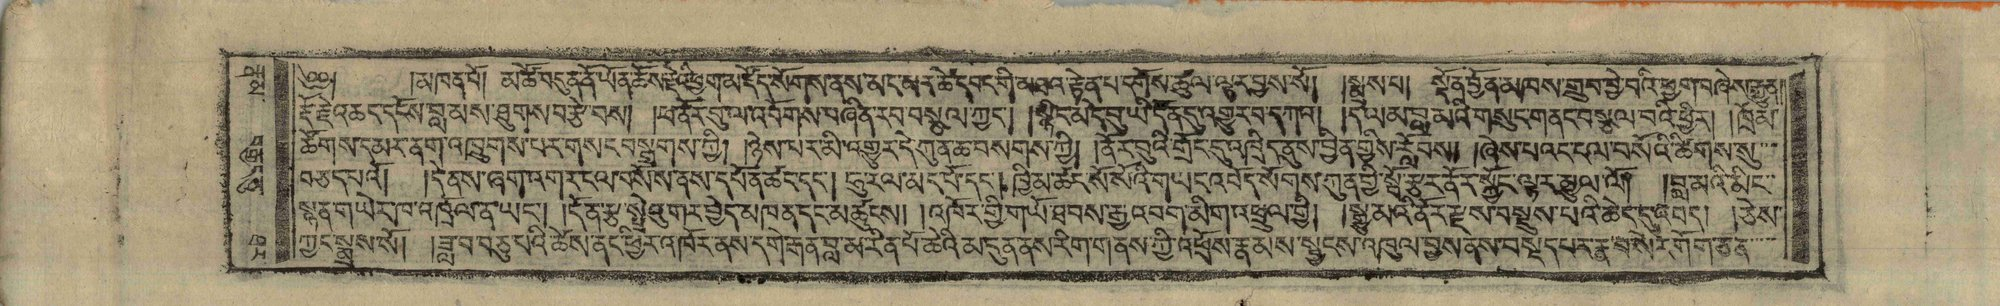༄༅། །མཁན་པོ། མཚོ་བདུན་ནོ་ཡོན་ཆོས་རྗེའི་ཕྱག་མཛོད་སོགས་ནས་མང་མར་ཚེ་དབང་གི་མཐའ་རྟེན་པ་དགོས་ཚུལ་ལྟར་བྱས་སོ། །སྨྲས་པ། སྔོན་བྱོན་མཁས་གྲུབ་བྱེ་བའི་ཕྱག་བཞེས་རྒྱུན།
རྡོ་རྗེ་འཆང་དངོས་བླ་མས་ཐུགས་བརྩེ་བས། །ཕ་ནོར་བུ་ལ་འབོགས་བཞིན་རབ་བསྩལ་ཀྱང་། །སྙིང་མེད་བུ་ཡི་དོན་དུ་འགྱུར་བ་དཀའ། །ད་ལམ་བླ་མའི་གསུང་གནང་བསྩལ་བའི་ཕྱིར། །ཁྲོམ་
ཚོགས་དམར་ནག་འཁྲུགས་པར་གསང་བསྒྲགས་ཀྱི། །ཉེས་པར་མི་འགྱུར་དེ་ཀུན་ཆ་བསགས་ཀྱི། །ནོར་བུའི་གྲོང་དུ་འཁྲིད་ནུས་བྱིན་གྱིས་རློབས། །ཞེས་པའང་ངལ་བསོའི་ཚིགས་སུ་
བཅད་པའོ། །དེ་ནས་ཞག་འགར་ངལ་བསོས་ནས་དཔོན་ཚང་དང་། ཧུ་རལ་མང་པོ་དང་། ཁྱིམ་ཚང་སོ་སོའི་གཡང་འབོད་སོགས་ཀུན་གྱི་སྒོ་རྩར་ནོར་སྐྱོང་ལྟར་མྱུལ་ལོ། །བླ་མའི་མིང་
སྙན་གཡེར་ཁ་འཁྲོལ་ན་ཡང་། །དོན་རྩ་སྤྲེའུ་གར་བྱེད་མཁན་དང་མཚུངས། །འཁོར་གྱི་གཡོ་ཐབས་རྒྱ་འབག་མིག་འཕྲུལ་གྱི། །སྒྱུ་མའི་ནོར་རྫས་བསྡུས་པའི་ཆེད་དུ་འབད། །ཅེས་
ཀྱང་སྨྲས་སོ། །ཟླ་བ་བཅུ་པའི་ཚེས་ནང་ཕྱིར་འཁོར་ནས་དགེ་རྒན་བླ་མ་རིན་པོ་ཆེའི་མདུན་ནས་རིག་གནས་ཀྱི་འཕྲོས་རྣམས་སྦྱངས་འཁུལ་བྱས་ནས་བསྡད་པར་རྣ་བ་སེར་གོག་ཅན་